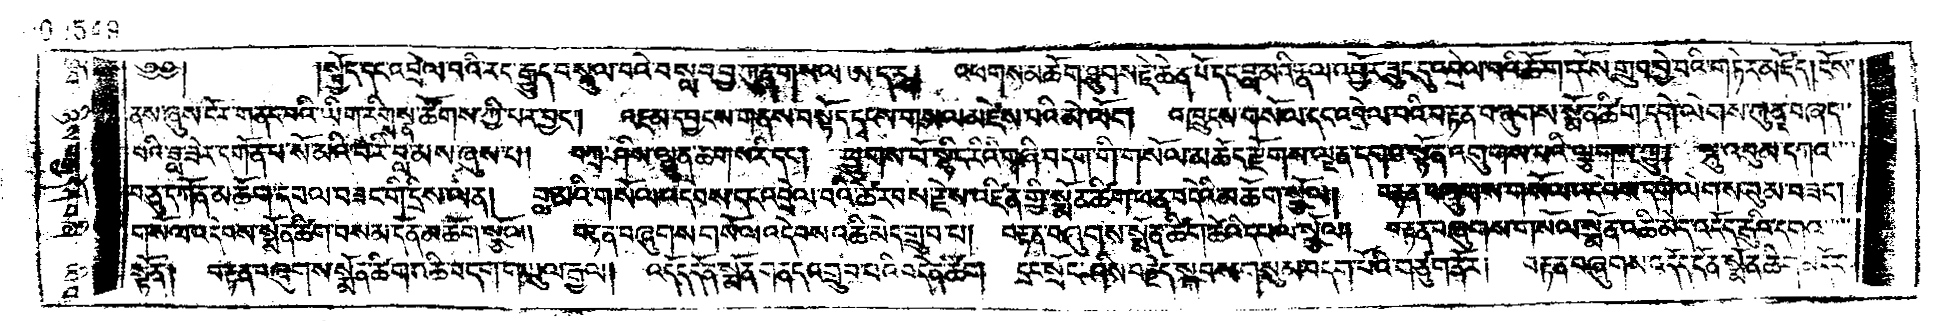༄༅། །སྦྱོད་དང་འབྲེལ་བའི་རང་རྒྱུད་བསྐུལ་བའི་བསླབ་བྱ་ཀུན་གསལ་ཨ་ད་རྴ། འཕགས་མཆོག་ཐུགས་རྗེ་ཆེན་པོ་དང་བླ་མའི་རྣལ་འབྱོར་ཟུང་དུ་འབྲེལ་བའི་ཆོ་ག་དངོས་གྲུབ་བྱེ་བའི་གཏེར་མཛོད། ངོས་
ནས་ཞུས་དོར་གནང་བའི་ཡིག་རིགས་སྣ་ཚོགས་ཀྱི་པར་བྱང་། འཇམ་དབྱངས་གནས་བསྟོད་དྭངས་གསལ་མཛེས་པའི་མེ་ལོང་། འཁྲུངས་གསོལ་དང་འབྲེལ་བའི་བརྟན་བཞུགས་སྨོན་ཚིག་དགེ་ལེགས་ཀུནྡ་བཞད་
པའི་ཟླ་ཟེར་དགོན་པ་སོ་མའི་བ་རི་བླ་མས་ཞུས་པ། བཀྲ་ཤིས་ལྷུན་ཆགས་རི་དང་། ཕྱུགས་པོ་སྙིང་རིའི་གཞི་བདག་གི་གསོལ་མཆོད་རྫོགས་ལྡན་དགའ་སྟོན་འགུགས་པའི་ལྕགས་ཀྱུ། སྐུ་འབུམ་དཀའ་
བཅུ་དཀོན་མཆོག་དཔལ་བཟང་གི་དྲིས་ལན། བླ་མའི་གསོལ་འདེབས་དང་འབྲེལ་བའི་ཚེ་རབས་རྗེས་འཛིན་གྱི་སྨོན་ཚིག་ཕན་བདེའི་མཆོག་སྩོལ། བརྟན་བཞུགས་གསོལ་འདེབས་དགེ་ལེགས་བུམ་བཟང་།
གསོལ་འདེབས་སྨོན་ཚིག་བསམ་དོན་མཆོག་སྩོལ། བརྟན་བཞུགས་གསོལ་འདེབས་འཆི་མེད་གྲུབ་པ། བརྟན་བཞུགས་སྨོན་ཚིག་ཚེའི་དཔལ་སྩོལ། བརྟན་བཞུགས་གསོལ་སྨོན་འཆི་མེད་འདོད་རྒུའི་དགའ་
སྟོན༑ བརྟན་བཞུགས་སྨོན་ཚིག་འཆི་བདག་གཡུལ་རྒྱལ། འདོད་དོན་སྨོན་གནད་འགྲུབ་པའི་བདེན་ཚིག་དྲང་སྲོང་ཤིས་བརྗོད་སྐབས་གསུམ་བདག་པོའི་གཙུག་ནོར། བརྟན་བཞུགས་འདོད་དོན་སྨོན་ཚིག་མདོར་